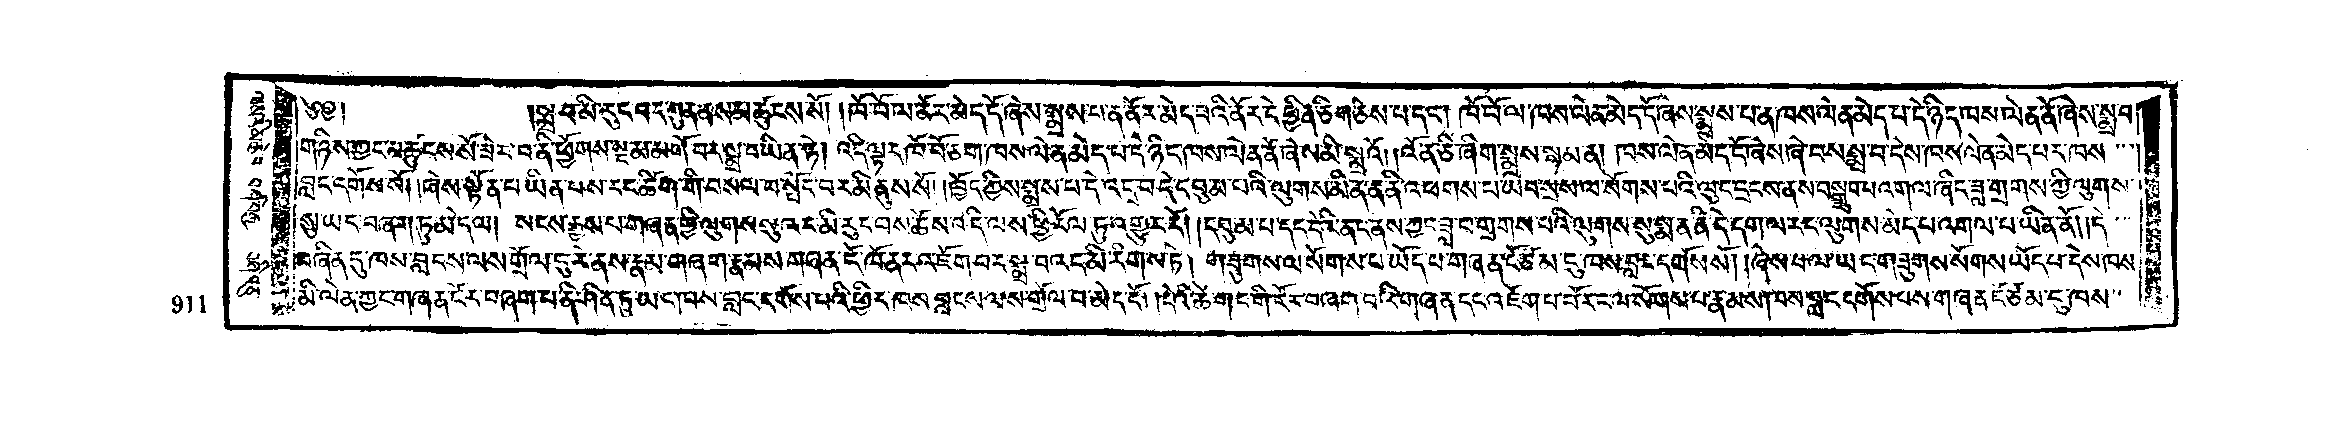༄༅། །སྨྲ་བ་མི་རུང་བར་ཀུན་ནས་མཚུངས་སོ། །ཁོ་བོ་ལ་ནོར་མེད་དོ་ཞེས་སྨྲས་པ་ན་ནོར་མེད་པའི་ནོར་དེ་བྱིན་ཅིག་ཅེས་པ་དང་། ཁོ་བོ་ལ་ཁས་ལེན་མེད་དོ་ཞེས་སྨྲས་པ་ན་ཁས་ལེན་མེད་པ་དེ་ཉིད་ཁས་ལེན་ནོ་ཞེས་སྨྲ་བ་
གཉིས་ཀྱང་མཚུངས་སོ་ཟེར་བ་ནི་ཕྱོགས་སྔ་མ་མགོ་བར་སྨྲ་བ་ཡིན་ཏེ། འདི་ལྟར་ཁོ་བོ་ཅག་ཁས་ལེན་མེད་པ་དེ་ཉིད་ཁས་ལེན་ནོ་ཞེས་མི་སྨྲའོ། །འོ་ན་ཅི་ཞིག་སྨྲས་སྙམ་ན། ཁས་ལེན་མེད་དོ་ཞེས་ཞེ་བས་སྨྲ་བ་དེས་ཁས་ལེན་མེད་པར་ཁས་
བླང་དགོས་སོ། །ཞེས་སྟོན་པ་ཡིན་པས་རང་ཚིག་གི་བསལ་བ་སྤོང་བར་མི་ནུས་སོ། །ཁྱོད་ཀྱིས་སྨྲས་པ་དེ་འདྲ་བ་དེ་དབུ་མ་པའི་ལུགས་མིན་ན་ནི་འཕགས་པ་ཡབ་སྲས་ལ་སོགས་པའི་ལུང་དྲངས་ནས་བསྒྲུབ་པ་འགལ་ཞིང་ཟླ་གྲགས་ཀྱི་ལུགས་
སུ་ཡང་བཞག་ཏུ་མེད་ལ། སངས་རྒྱས་པ་གཞན་གྱི་ལུགས་སུའང་མི་རུང་བས་ཆོས་འདི་ལས་ཕྱི་རོལ་ཏུ་འགྱུར་རོ། །དབུ་མ་པ་དང་དེའི་ནང་ནས་ཀྱང་ཟླ་བ་གྲགས་པའི་ལུགས་སུ་སྨྲ་ན་ནི་དེ་དག་ལ་རང་ལུགས་མེད་པ་འགལ་བ་ཡིན་ནོ། །དེ་
བཞིན་དུ་ཁས་བླངས་ལས་གྲོལ་དུ་རེ་ནས་རྣམ་གཞག་རྣམས་གཞན་ངོ་ཁོ་ནར་འཇོག་པར་སྨྲ་བའང་མི་རིགས་ཏེ། གཟུགས་ལ་སོགས་པ་ཡོད་པ་གཞན་ངོ་ཙམ་དུ་ཁས་བླང་དགོས་སོ། །ཞེས་པ་ལ་ཡང་གཟུགས་སོགས་ཡོད་པ་དེས་ཁས་
མི་ལེན་ཀྱང་གཞན་ངོར་བཞག་པ་ནི་ཤིན་ཏུ་ཡང་ཁས་བླང་དགོས་པའི་ཕྱིར་ཁས་བླངས་ལས་གྲོལ་བ་མེད་དོ། །དེའི་ཚེ་གང་གི་ངོར་བཞག་པའི་གཞན་དང་འཇོག་བ་པོ་རང་ལ་སོགས་པ་རྣམས་ཁས་བླང་དགོས་པས་གཞན་ངོ་ཙམ་དུ་ཁས་